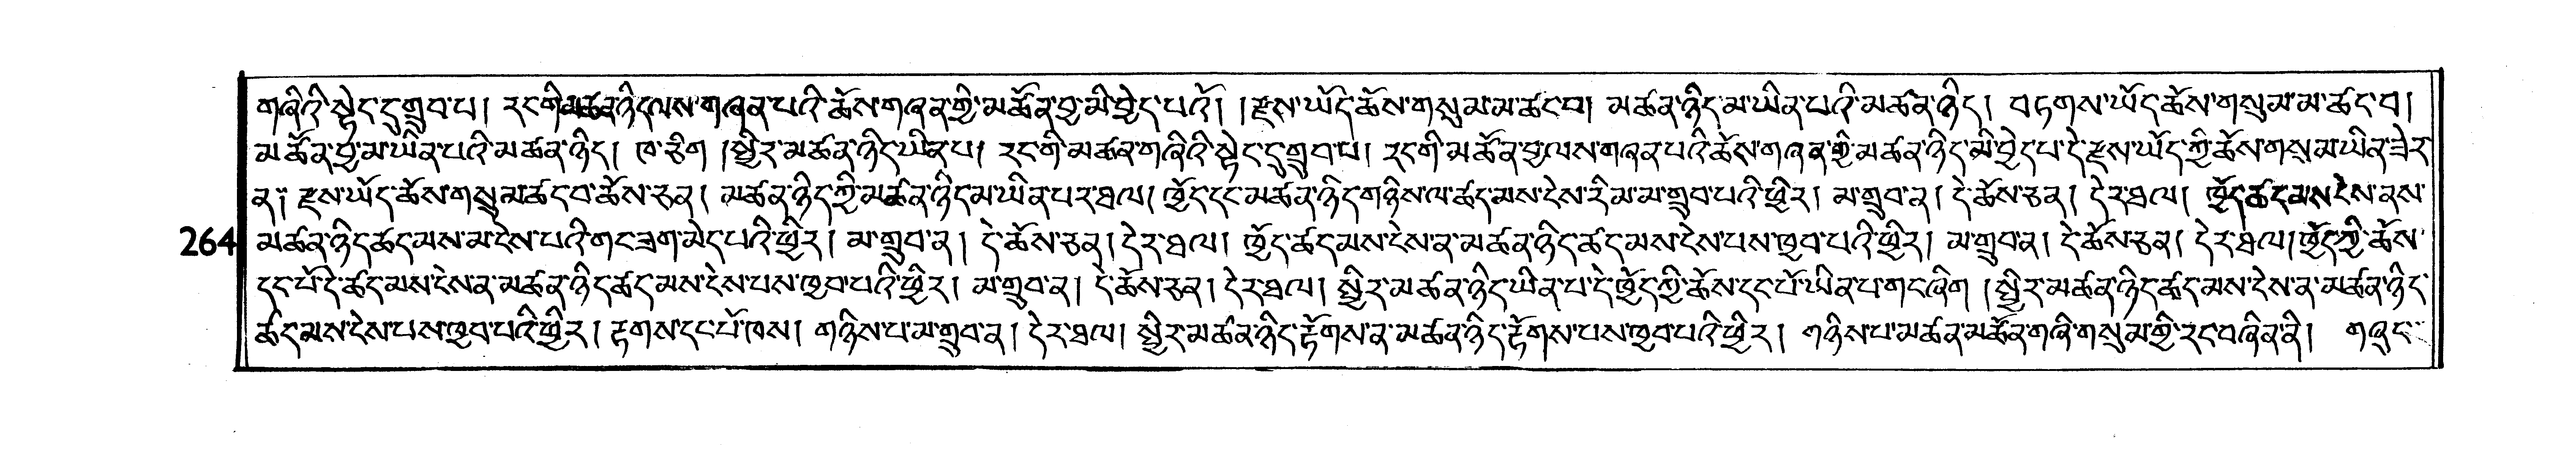གཞིའི་སྟེང་དུ་གྲུབ་པ། རང་གི་མཚན་ཉིད་ལས་གཞན་པའི་ཆོས་གཞན་གྱི་མཚོན་བྱ་མི་བྱེད་པའོ། །རྫས་ཡོད་ཆོས་གསུམ་མ་ཚང་བ། མཚན་ཉིད་མ་ཡིན་པའི་མཚན་ཉིད། བཏགས་ཡོད་ཆོས་གསུམ་མ་ཚང་བ།
མཚོན་བྱ་མ་ཡིན་པའི་མཚན་ཉིད། ཁ་ཅིག །སྤྱིར་མཚན་ཉིད་ཡིན་པ། རང་གི་མཚན་གཞིའི་སྟེང་དུ་གྲུབ་པ། རང་གི་མཚོན་བྱ་ལས་གཞན་པའི་ཆོས་གཞན་གྱི་མཚན་ཉིད་མི་བྱེད་པ་དེ་རྫས་ཡོད་ཀྱི་ཆོས་གསུམ་ཡིན་ཟེར་
ན༑ རྫས་ཡོད་ཆོས་གསུམ་ཚང་བ་ཆོས་ཅན། མཚན་ཉིད་ཀྱི་མཚན་ཉིད་མ་ཡིན་པར་ཐལ། ཁྱོད་དང་མཚན་ཉིད་གཉིས་ལ་ཚད་མས་ངེས་རིམ་མ་གྲུབ་པའི་ཕྱིར། མ་གྲུབ་ན། དེ་ཆོས་ཅན། དེར་ཐལ། ཁྱོད་ཚང་མས་ངེས་ནས་
མཚན་ཉིད་ཚད་མས་མ་ངེས་པའི་གང་ཟག་མེད་པའི་ཕྱིར། མ་གྲུབ་ན། དེ་ཆོས་ཅན། དེར་ཐལ། ཁྱོད་ཚད་མས་ངེས་ན་མཚན་ཉིད་ཚད་མས་ངེས་པས་ཁྱབ་པའི་ཕྱིར། མ་གྲུབ་ན། དེ་ཆོས་ཅན། དེར་ཐལ། ཁྱོད་ཀྱི་ཆོས་
དང་པོ་དེ་ཚད་མས་ངེས་ན་མཚན་ཉིད་ཚད་མས་ངེས་པས་ཁྱབ་པའི་ཕྱིར། མ་གྲུབ་ན། དེ་ཆོས་ཅན། དེར་ཐལ། སྤྱིར་མཚན་ཉིད་ཡིན་པ་དེ་ཁྱོད་ཀྱི་ཆོས་དང་པོ་ཡིན་པ་གང་ཞིག །སྤྱིར་མཚན་ཉིད་ཚད་མས་ངེས་ན་མཚན་ཉིད་
ཚད་མས་ངེས་པས་ཁྱབ་པའི་ཕྱིར། རྟགས་དང་པོ་ཁས། གཉིས་པ་མ་གྲུབ་ན། དེར་ཐལ། སྤྱིར་མཚན་ཉིད་རྟོགས་ན་མཚན་ཉིད་རྟོགས་པས་ཁྱབ་པའི་ཕྱིར། གཉིས་པ་མཚན་མཚོན་གཞི་གསུམ་གྱི་རང་བཞིན་ནི། གཞུང་